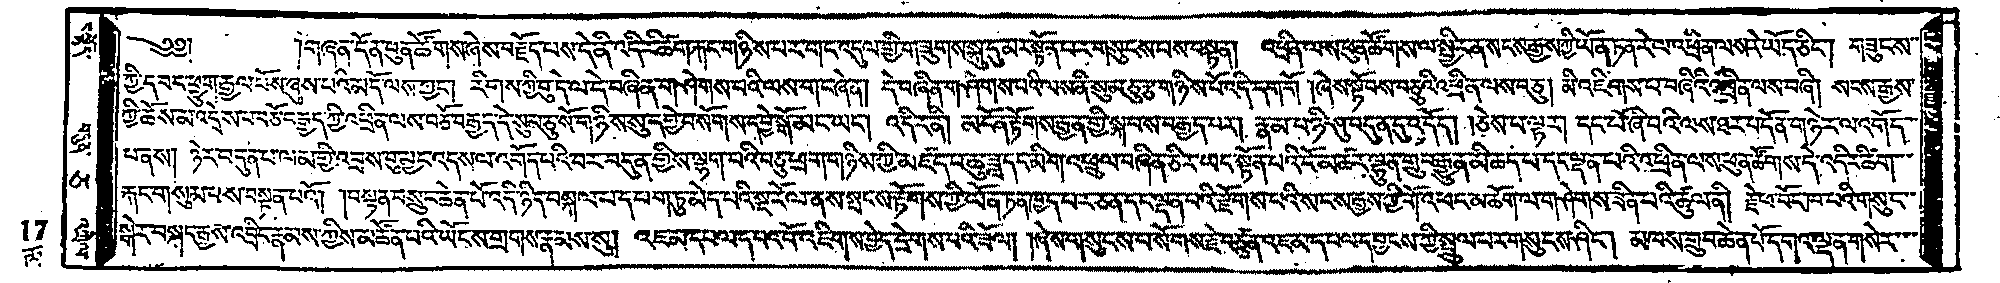༄༅། །གཞན་དོན་ཕུན་ཚོགས་ཞེས་བརྗོད་པས་དེ་ནི་འདིར་ཚིག་རྐང་གཉིས་པར་གང་འདུལ་གྱི་གཟུགས་སྐུ་དུ་མར་སྟོན་པར་གསུངས་པས་བསྟན། འཕྲིན་ལས་ཕུན་ཚོགས་ལ་སྤྱིར་ན་སངས་རྒྱས་ཀྱི་ཡོན་ཏན་རེ་ལ་འཕྲིན་ལས་རེ་ཡོད་ཅིང་། གཟུངས་
ཀྱི་དབང་ཕྱུག་རྒྱལ་པོས་ཞུས་པའི་མདོ་ལས་ཀྱང་། རིགས་ཀྱི་བུ་དེ་ལ་དེ་བཞིན་གཤེགས་པའི་ལས་གང་ཞེ་ན། དེ་བཞིན་གཤེགས་པའི་ལས་ནི་སུམ་ཅུ་རྩ་གཉིས་པོ་འདི་དག་གོ །ཞེས་སྟོབས་བཅུའི་འཕྲིན་ལས་བཅུ། མི་འཇིགས་པ་བཞིའི་འཕྲིན་ལས་བཞི། སངས་རྒྱས་
ཀྱི་ཆོས་མ་འདྲེས་པ་བཅོ་བརྒྱད་ཀྱི་འཕྲིན་ལས་བཅོ་བརྒྱད་དེ་སུམ་ཅུ་སོ་གཉིས་སུ་དབྱེ་བ་སོགས་དབྱེ་སྒོ་མང་ཡང་། འདིར་ནི། མངོན་རྟོགས་རྒྱན་གྱི་སྐབས་བརྒྱད་པར། རྣམ་པ་ཉི་ཤུ་བདུན་དུ་འདོད། །ཅེས་པ་ལྟར། དང་པོ་ཞི་བའི་ལས་ཐར་པ་དོན་གཉེར་ལ་འགོད་
པ་ནས། ཉེར་བདུན་པ་ལམ་གྱི་འབྲས་བུ་མྱང་འདས་ལ་འགོད་པའི་བར་བདུན་གྱིས་ལྷག་པའི་བཅུ་ཕྲག་གཉིས་ཀྱི་མཛད་པ་ཆུ་ཟླ་དང་མིག་འཕྲུལ་བཞིན་ཅིར་ཡང་སྟོན་པའི་ངོ་མཚར་ལྷུན་གྲུབ་རྒྱུན་མི་ཆད་པ་དང་ལྡན་པའི་འཕྲིན་ལས་ཕུན་ཚོགས་དེ་འདིར་ཚིག་
རྐང་གསུམ་པས་བསྟན་པའོ། །བསྟན་བསྲུང་ཆེན་པོ་འདི་ཉིད་བསྐལ་པ་དཔག་ཏུ་མེད་པའི་སྔ་རོལ་ནས་སྤངས་རྟོགས་ཀྱི་ཡོན་ཏན་ཁྱད་པར་ཅན་དང་ལྡན་པའི་རྫོགས་པའི་སངས་རྒྱས་ཀྱི་གོ་འཕང་མཆོག་ལ་གཤེགས་ཟིན་པའི་ཚུལ་ནི། རྗེ་ཕ་བོང་ཁ་བའི་གསུང་
སྒེར་བསྐང་རྒྱས་འབྲིང་རྣམས་ཀྱིས་མཚོན་པའི་ཡོངས་གྲགས་རྣམས་སུ། འཇམ་དཔལ་དཔའ་བོ་འཇིགས་བྱེད་དྲེགས་པའི་ཟོལ། །ཞེས་གསུངས་པ་སོགས་རྗེ་བཙུན་འཇམ་དཔལ་དབྱངས་ཀྱི་སྤྲུལ་པར་གསུངས་ཤིང་། མཁས་གྲུབ་ཆེན་པོ་དགའ་ལྡན་གསེར་